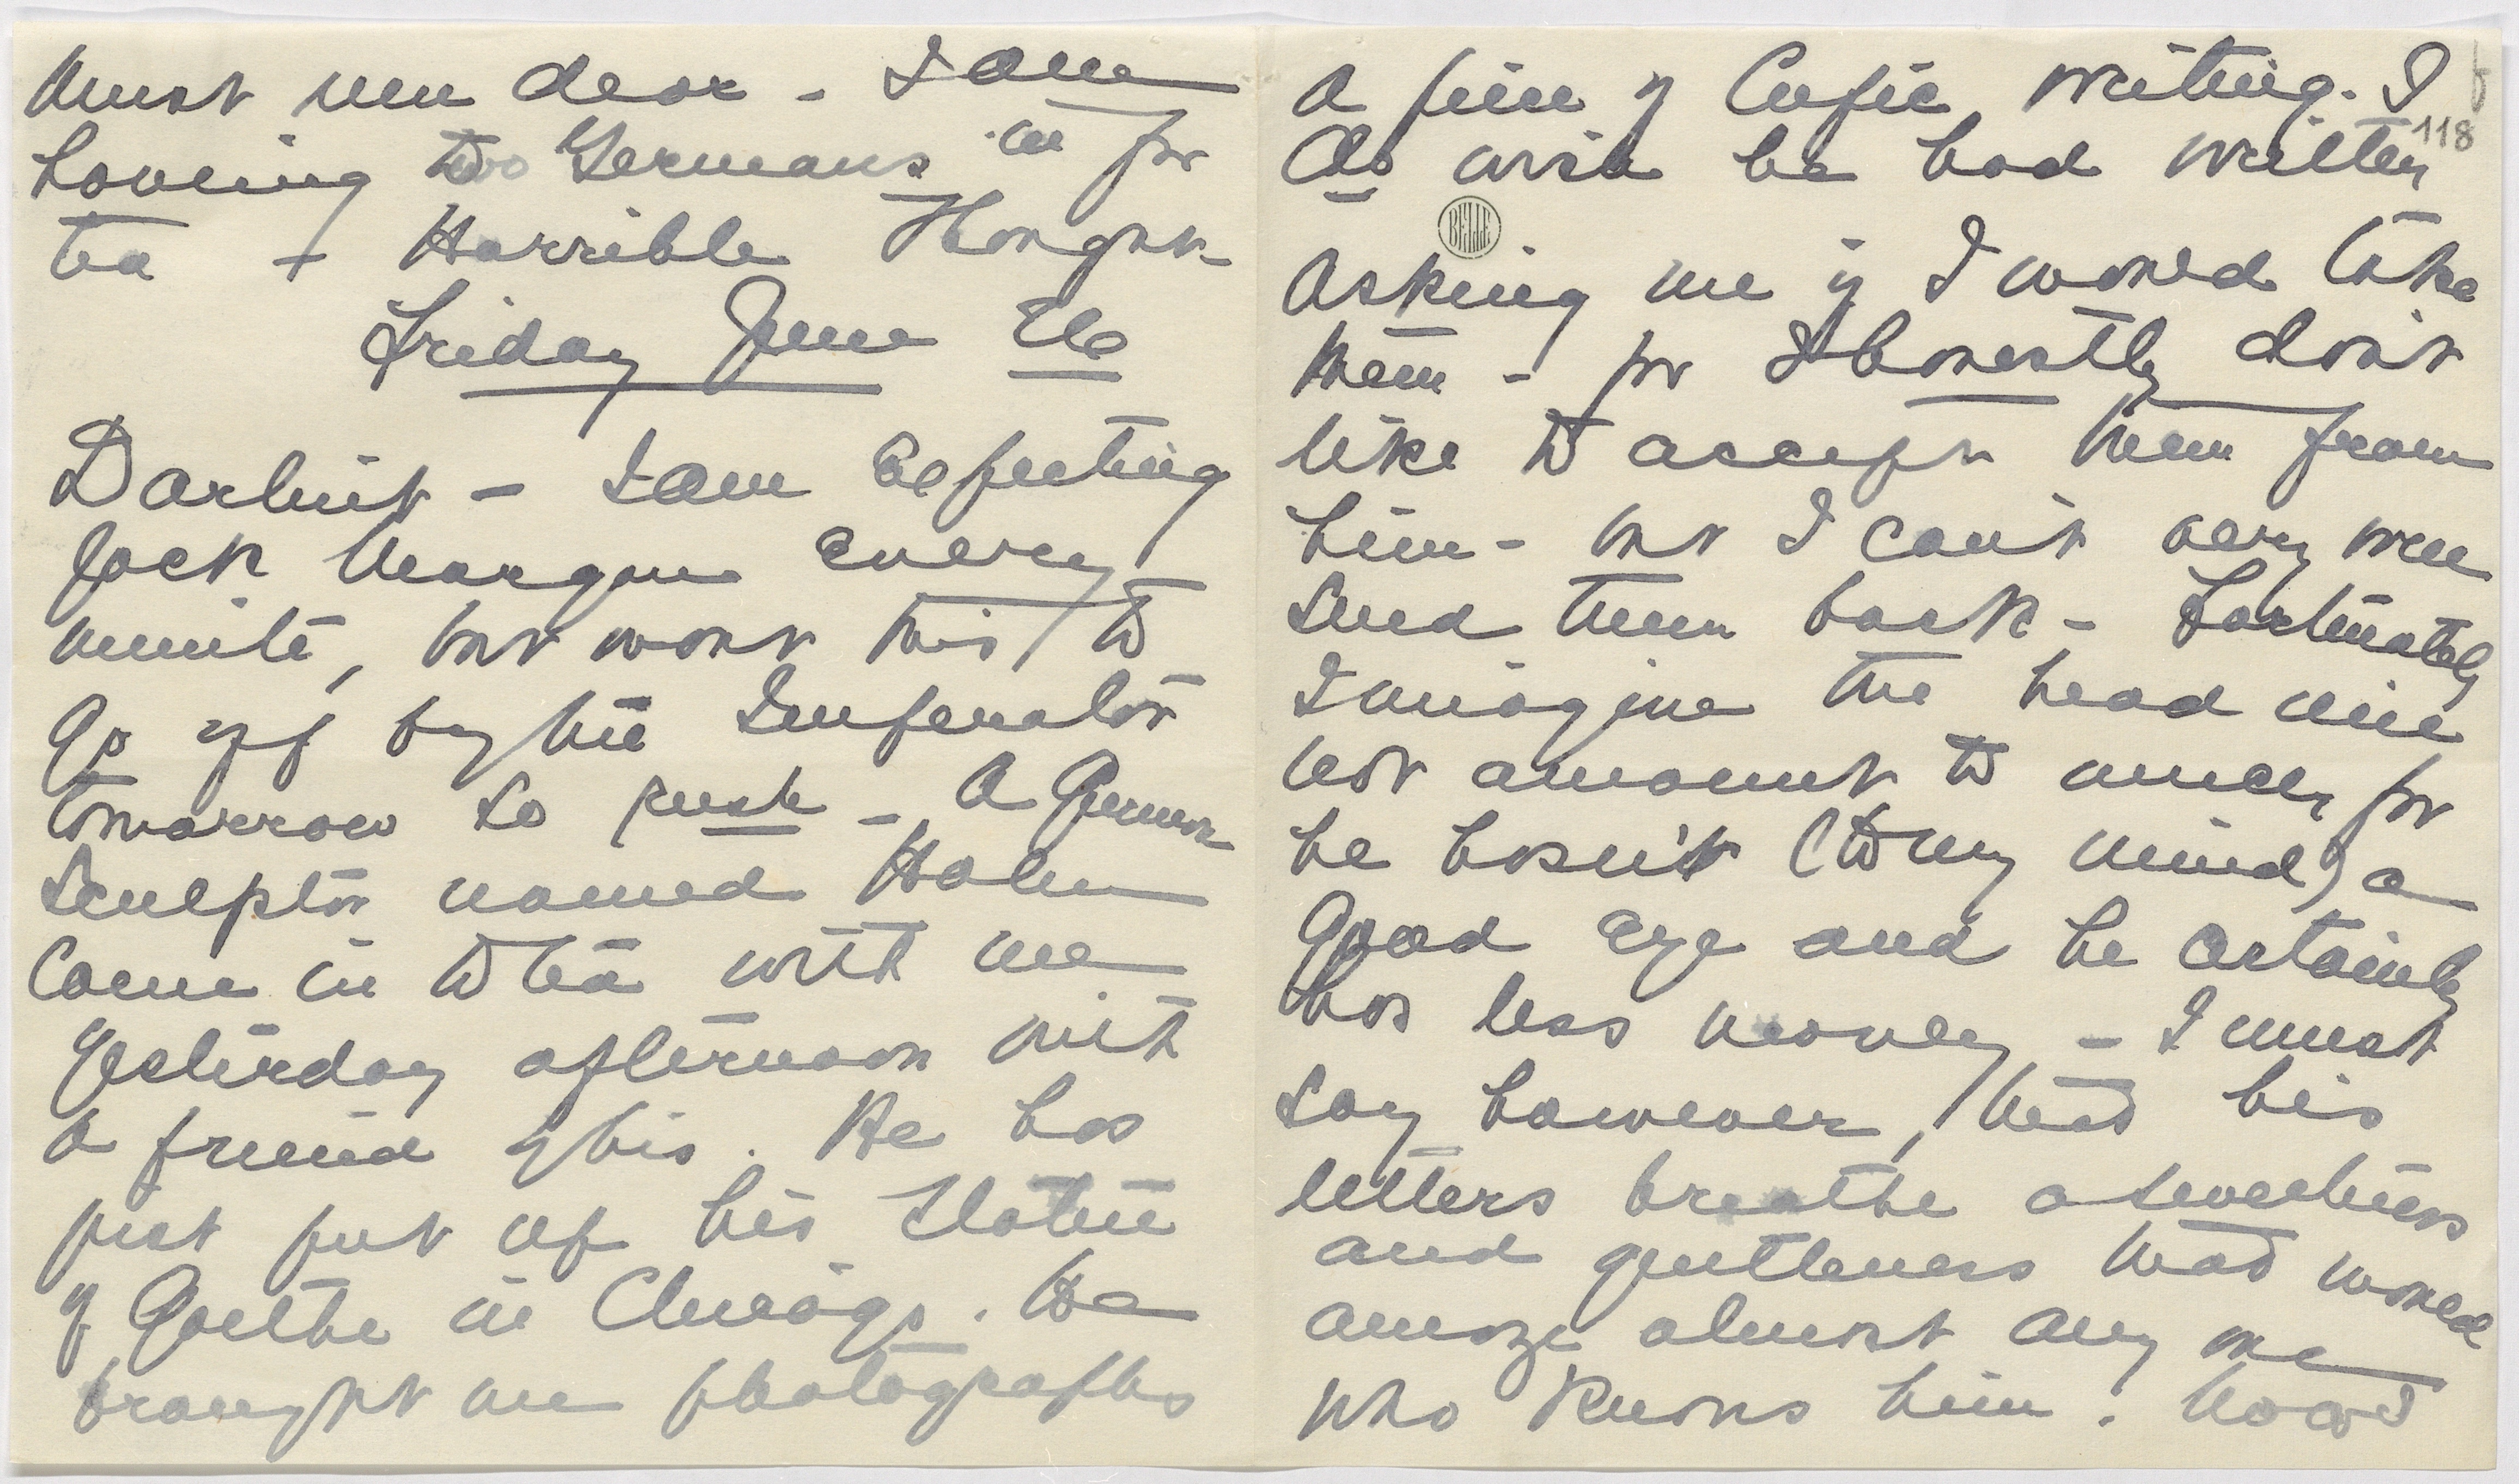a fine Cufic writing. I do wish he had written asking me if I would take them – for I honestly don’t like to accept them from him – but I can’t very well send them back – fortunately I imagine the head will not amount to much for he hasn’t (to my mind) a good eye and he certainly has less money – I must say however, that his letters breathe a sweetness and gentleness that would amaze almost anyone who knows him! how I
must run dear – I am having two Germans in for tea & Horrible thought –
Friday, June 26
Darlint – I am expecting Jack Morgan every minute, but want this to go off by the Imperator tomorrow so rush – A German sculptor named Hahn came in to tea with me yesterday afternoon with a friend of his. He has just put up his statue of Goethe in Chicago. He brought me photographs